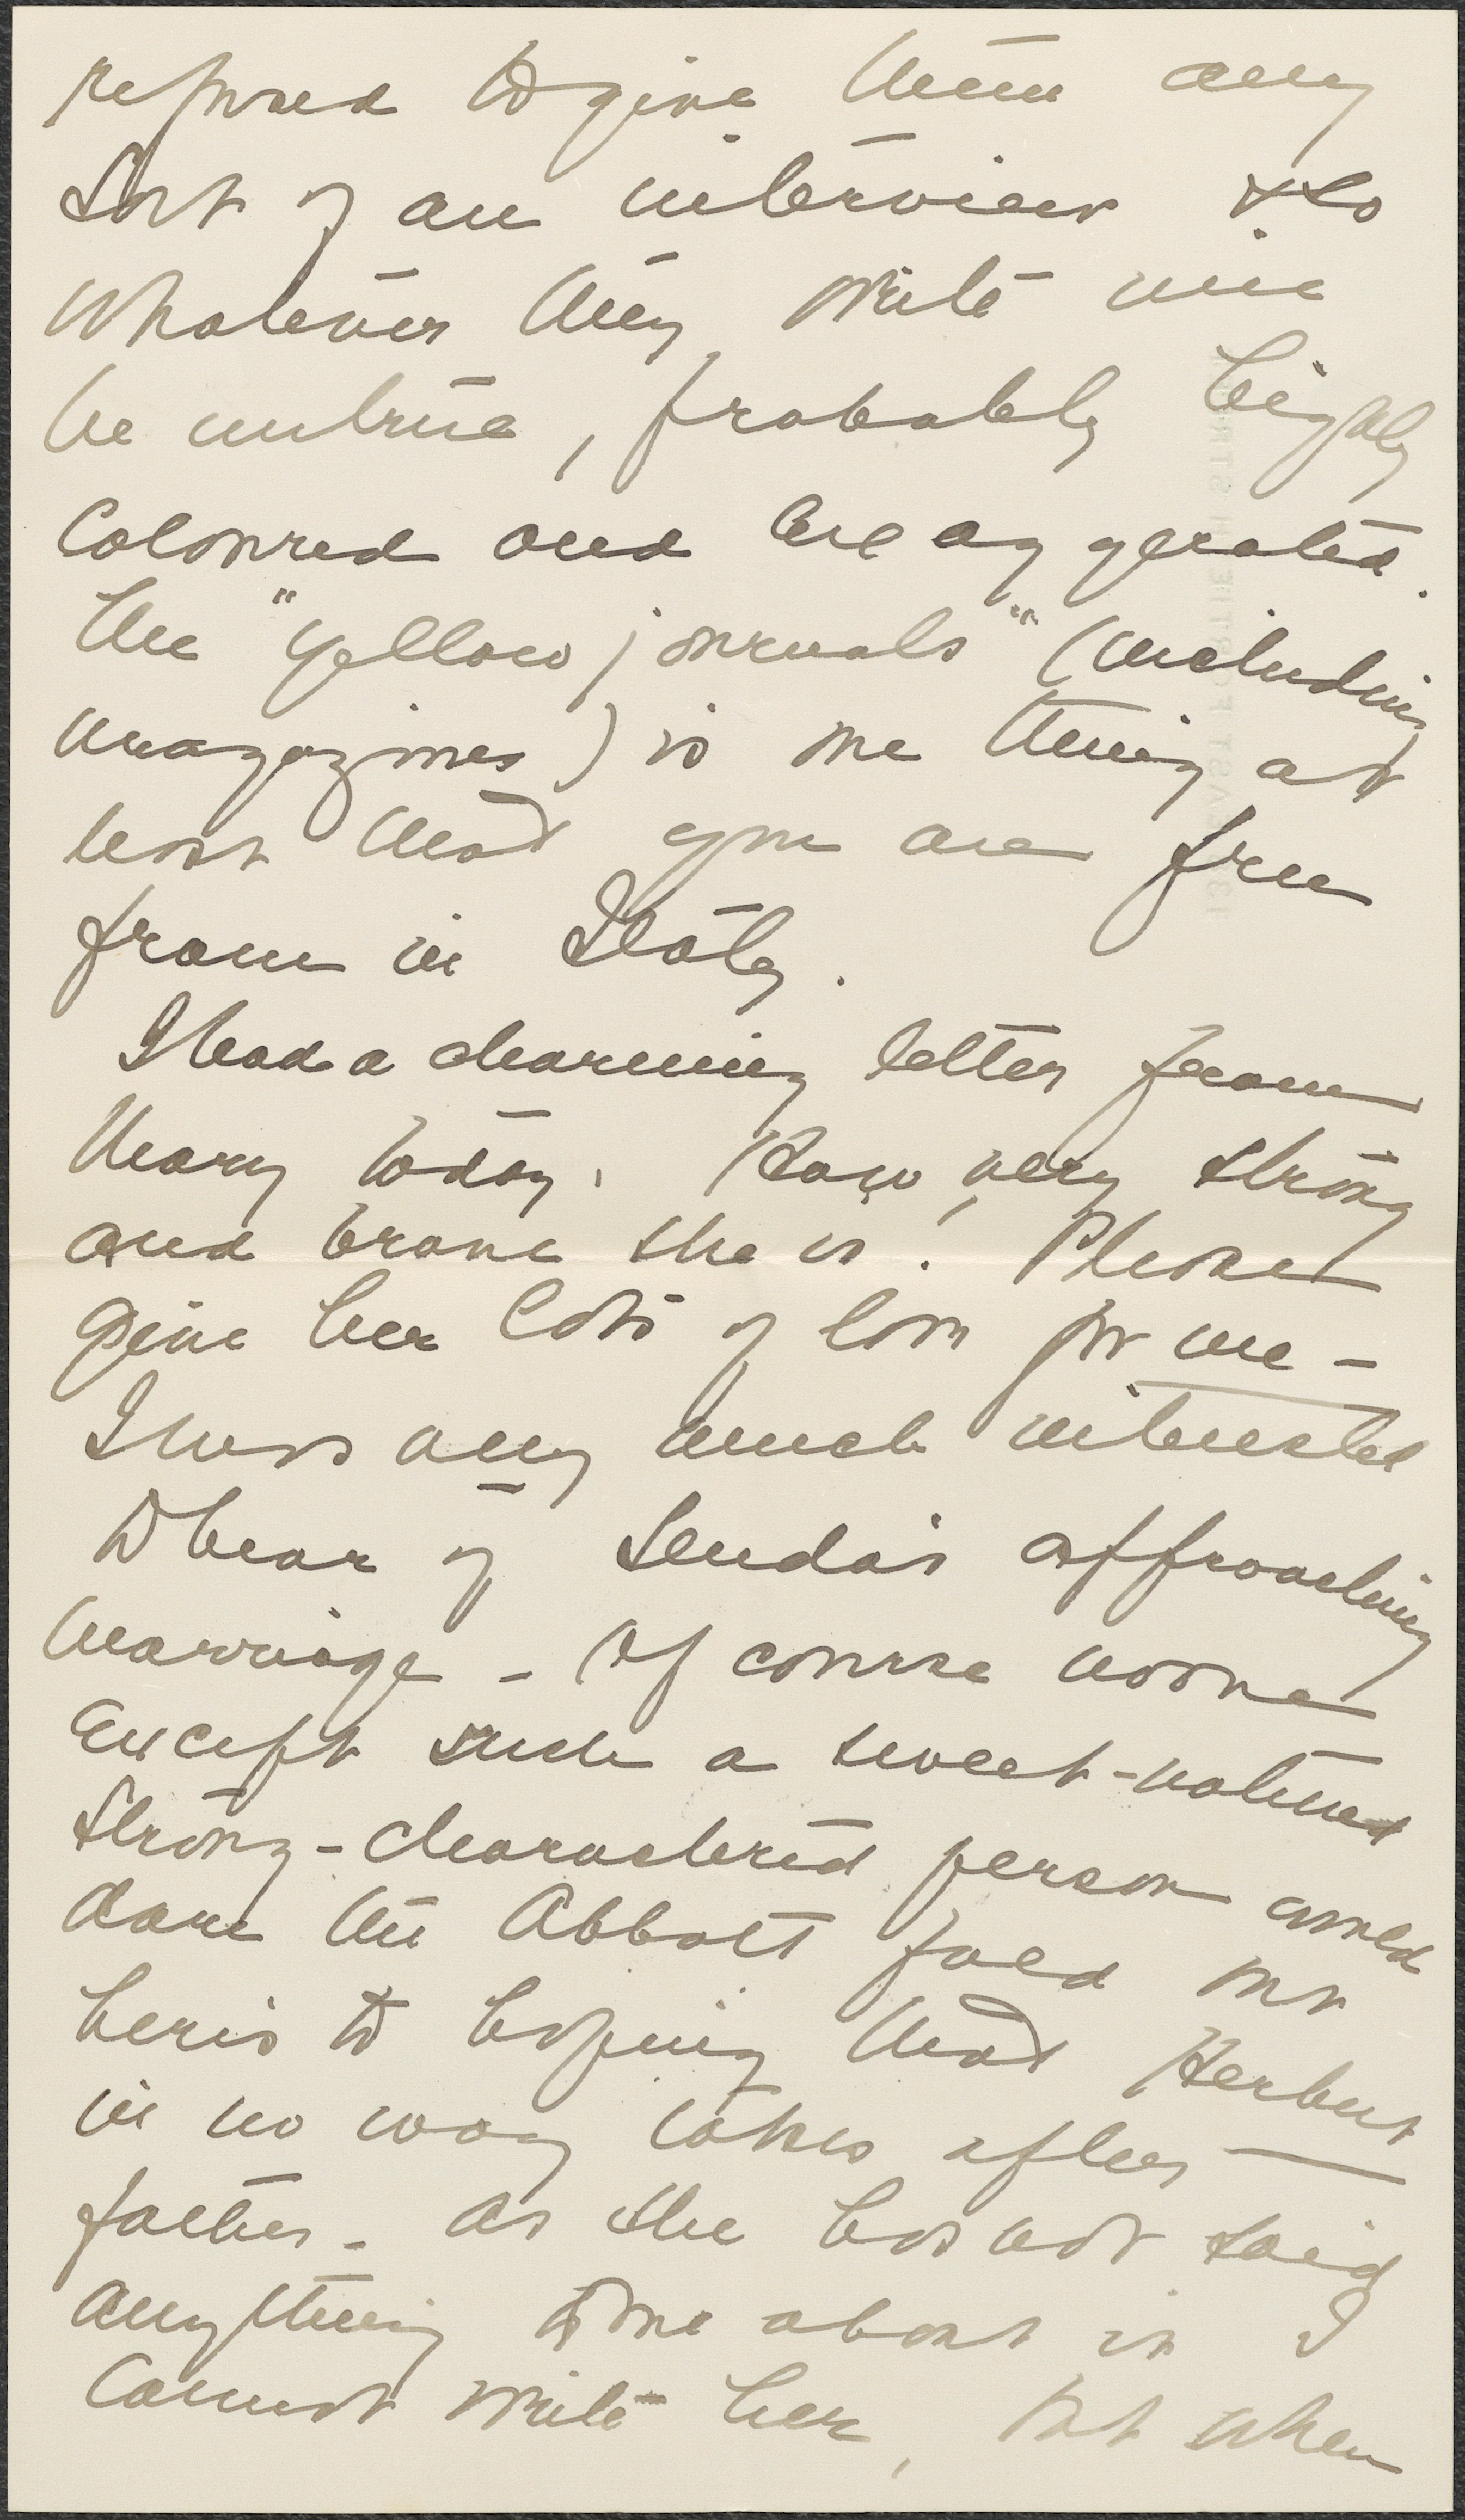refused to give them any sort of an interview & so whatever they write will be untrue, probably highly coloured and exaggerated. The “yellow journals” (including magazines) is one thing at least that you are free from in Italy.
I had a charming letter from Mary today. How very strong and brave she is! Please give her lots of love for me – I was very much interested to hear of Senda’s approaching marriage – Of course no one except such a sweet-natured strong-charactered person could dare the Abbott fold but here’s to hoping that Herbert in no way takes after father. As she has not said anything to me about it I cannot write her, but when